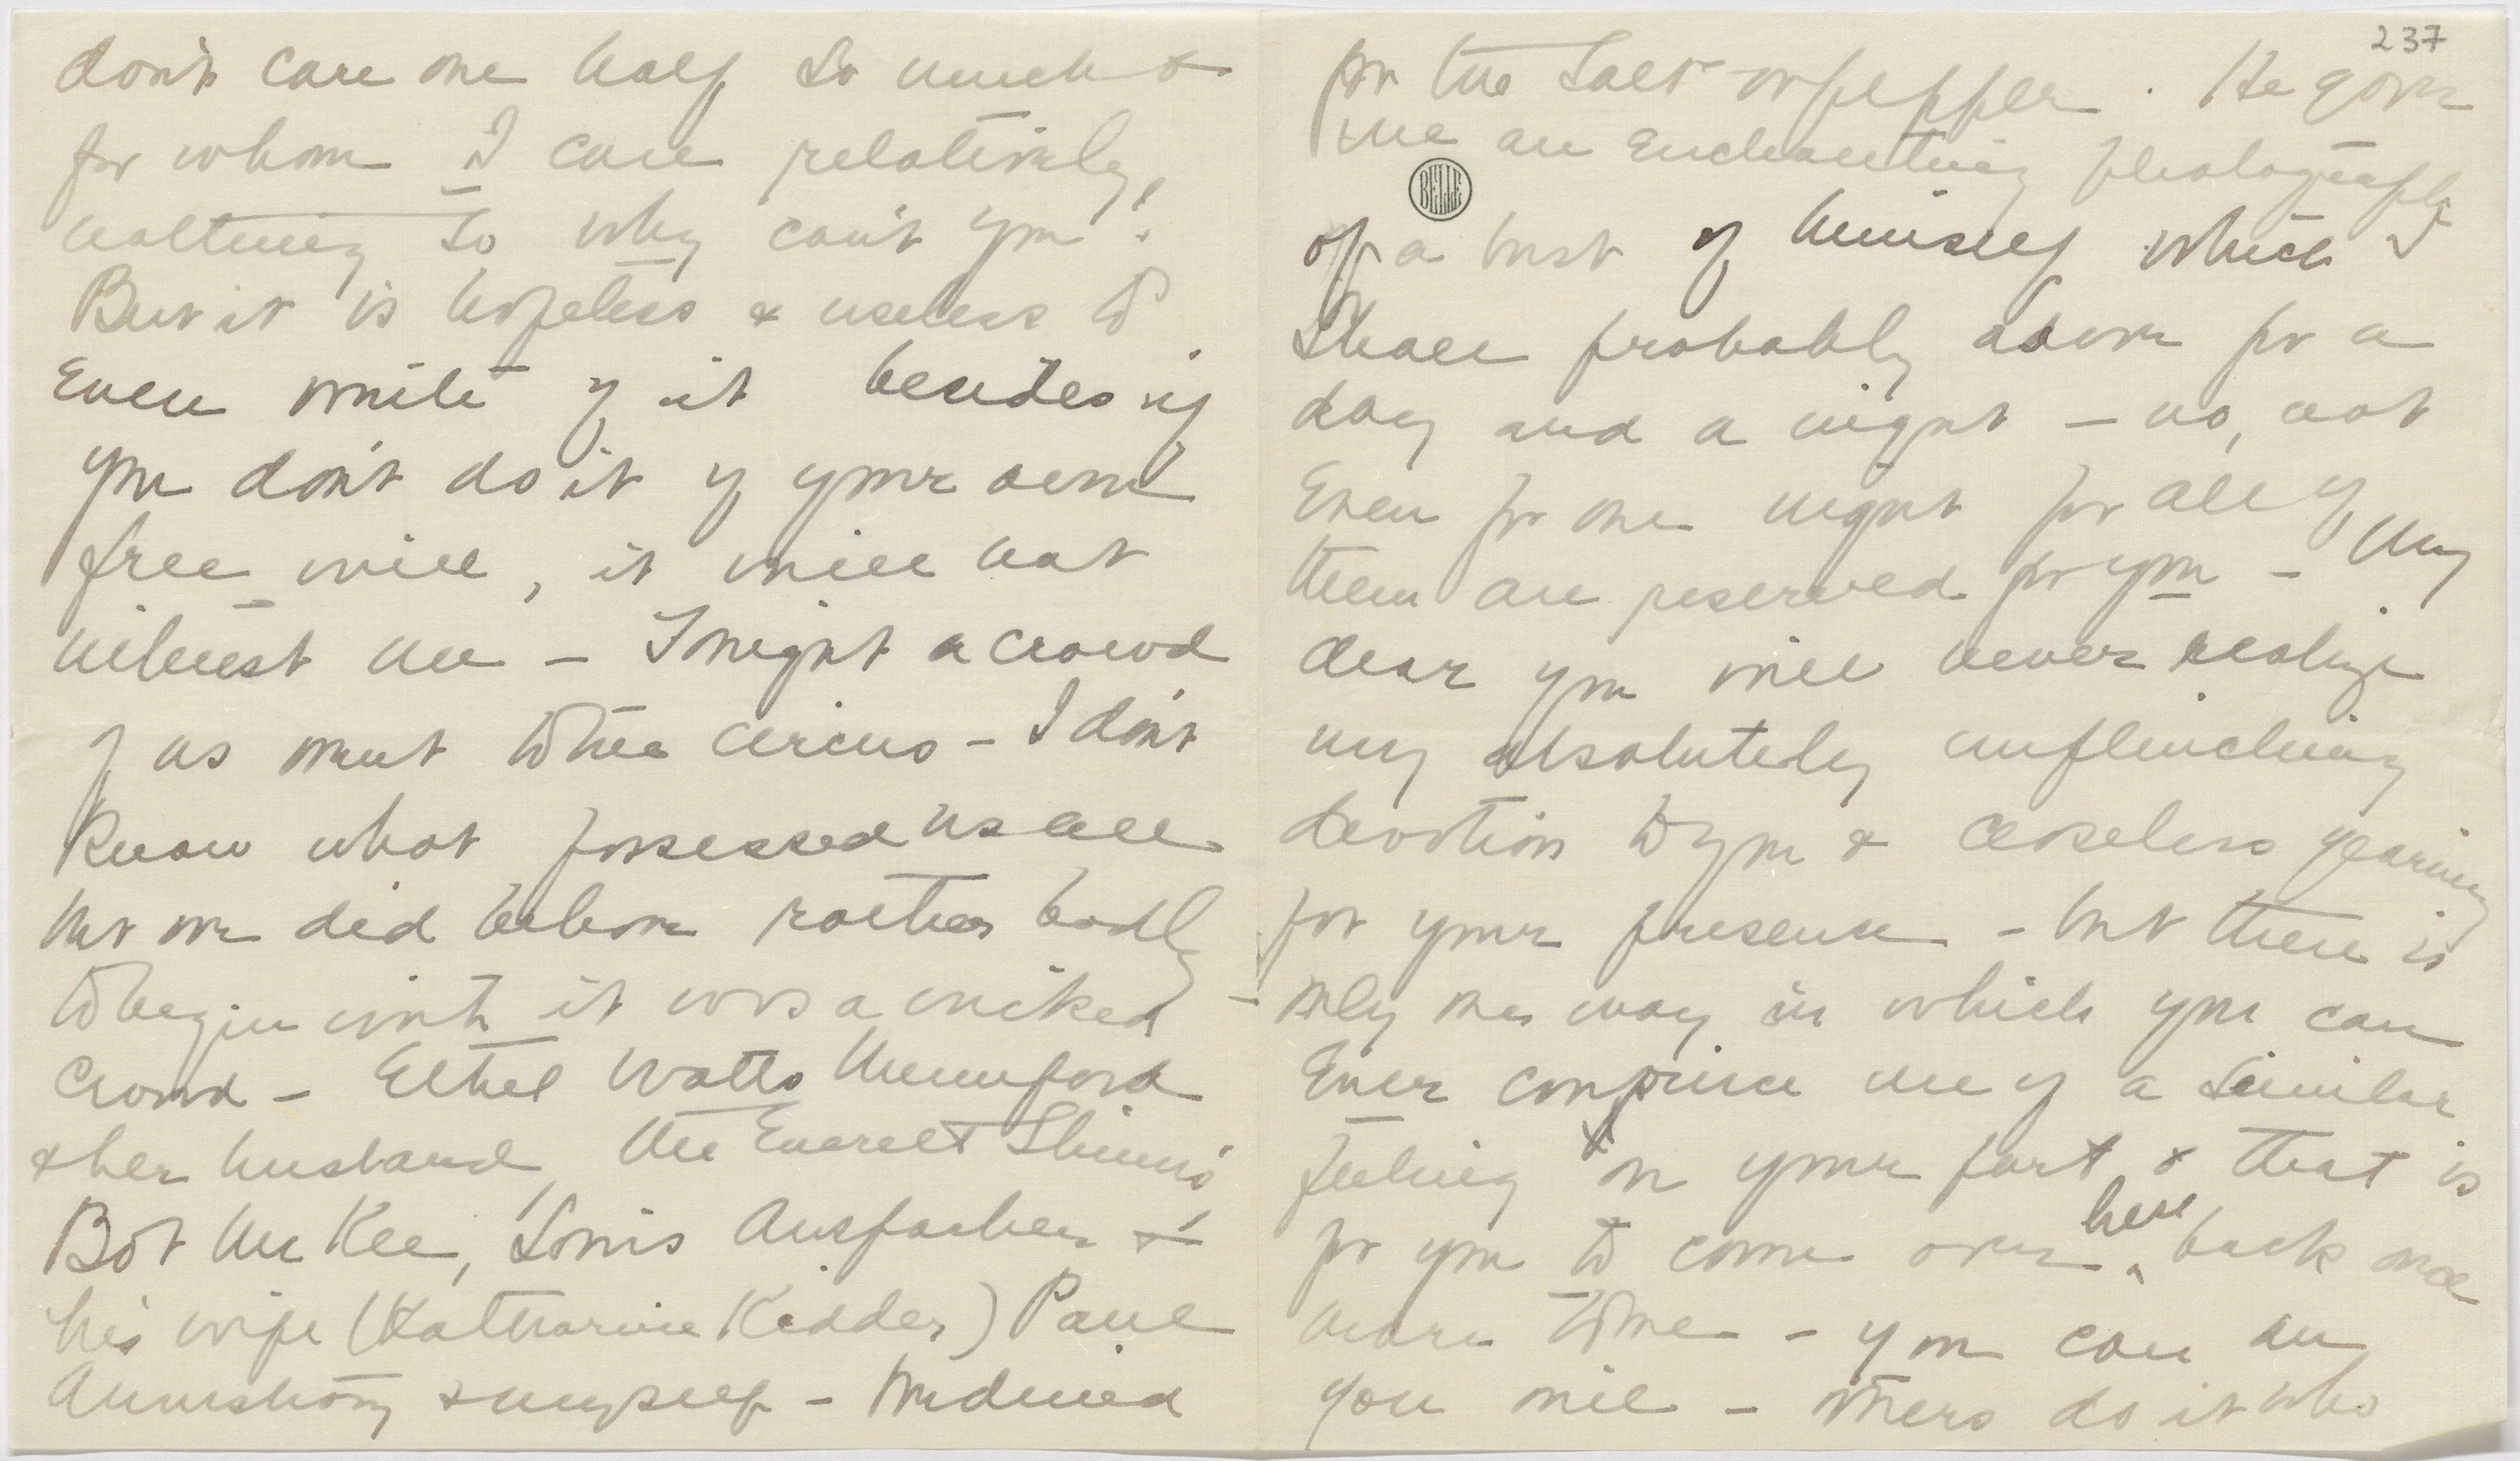for the salt or pepper. He gave me an enchanting photograph of a bust of himself which I shall probably adore for a day and a night – no, not even for one night for all of them are reserved for you – My dear you will never realize my absolutely unflinching devotion to you & ceaseless yearning for your presence – but there is only one way in which you can ever conpvince me of a similar feeling on your part & that is for you to come over [^here^] back once more to me – you can an [sic] you will – others do it who
don’t care one half so much & for whom I care relatively nothing so why can’t you? But it is hopeless & useless to even write of it besides if you don’t do it of your own free will, it will not interest me – Tonight a crowd of us went to the circus – I don’t know what possessed us all but we did behave rather badly – to begin with it was a wicked crowd – Ethel Watts Mumford & her husband, the Everett Shinn’s, Bob McKee, Louis Anspacher & his wife (Katharine [sic] Kidder) Paul Armstrong & myself – We dined